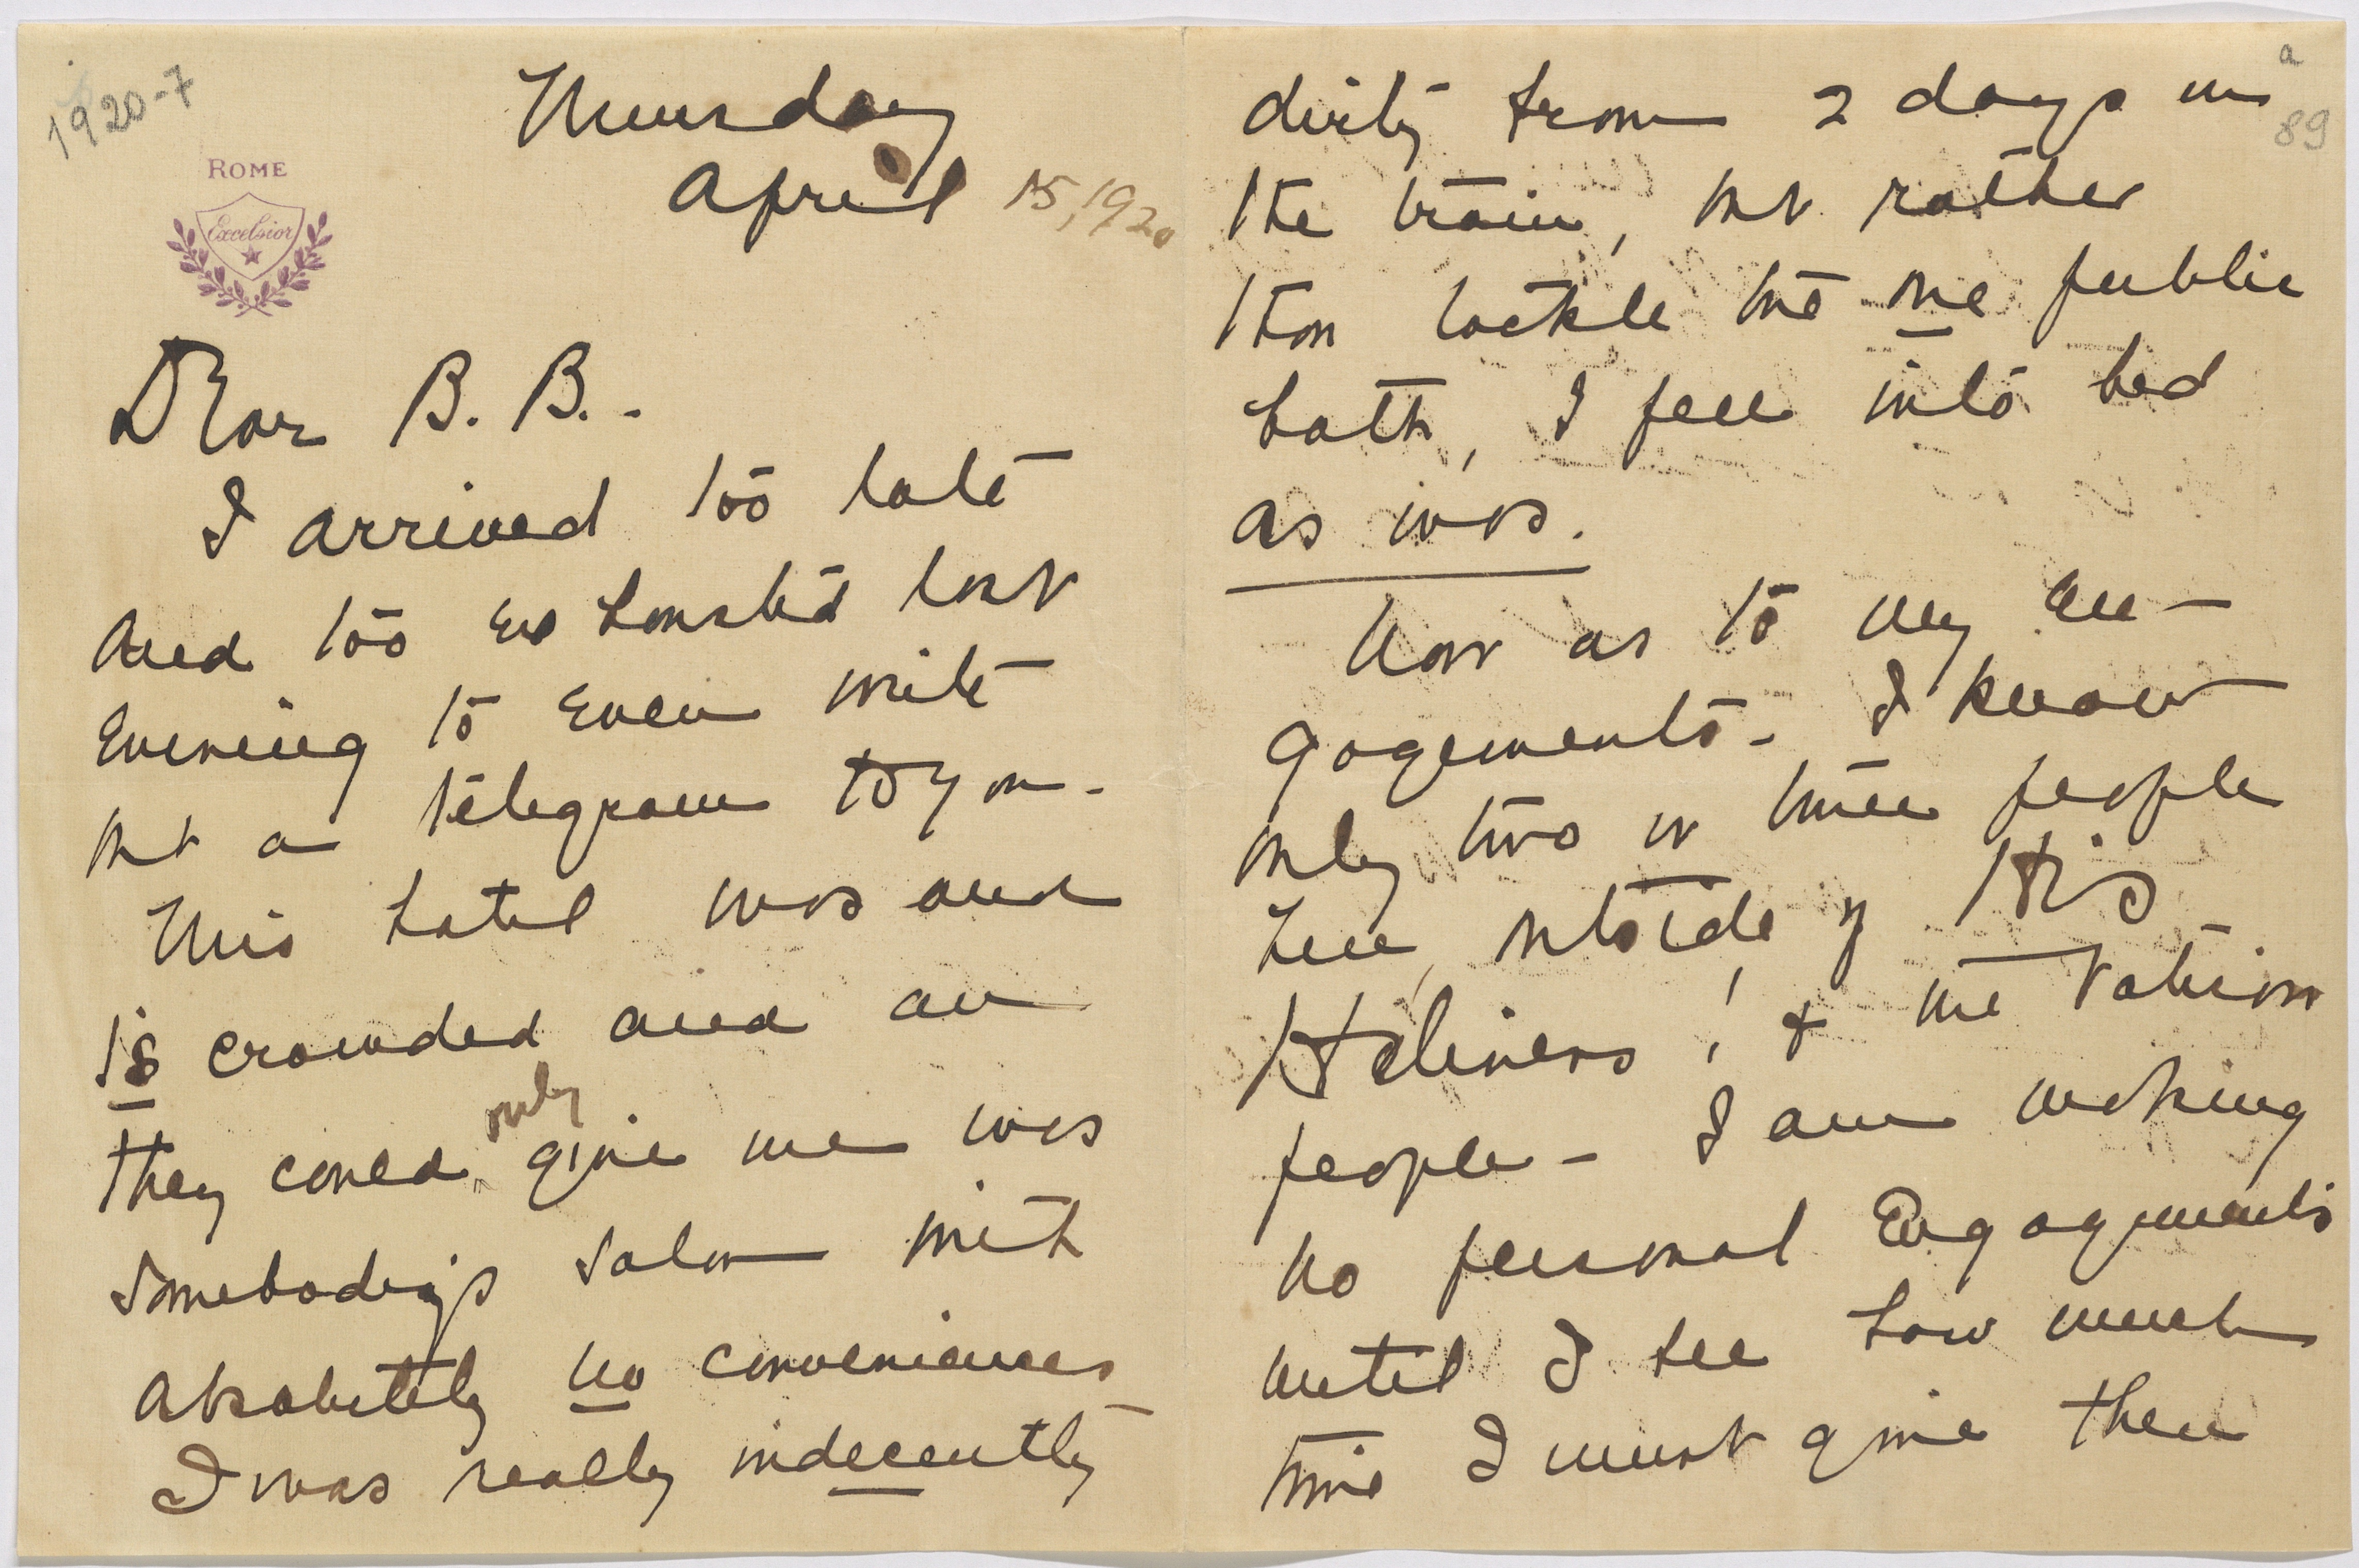Thursday April 15, 1920
Dear B.B. –
I arrived too late and too exhausted last evening to even write but a telegram to you.
This hotel was and is crowded and all they could [^only^] give me was somebody's salon with absolutely no conveniences –
I was really indecently
dirty from 2 days on the train, but rather than tackle the one public bath, I fell into bed as was.
Now as to my engagements – I know only two or three people here, outside of His Holiness! & the Vatican people – I am making no personal engagements until I see how much time I must give there